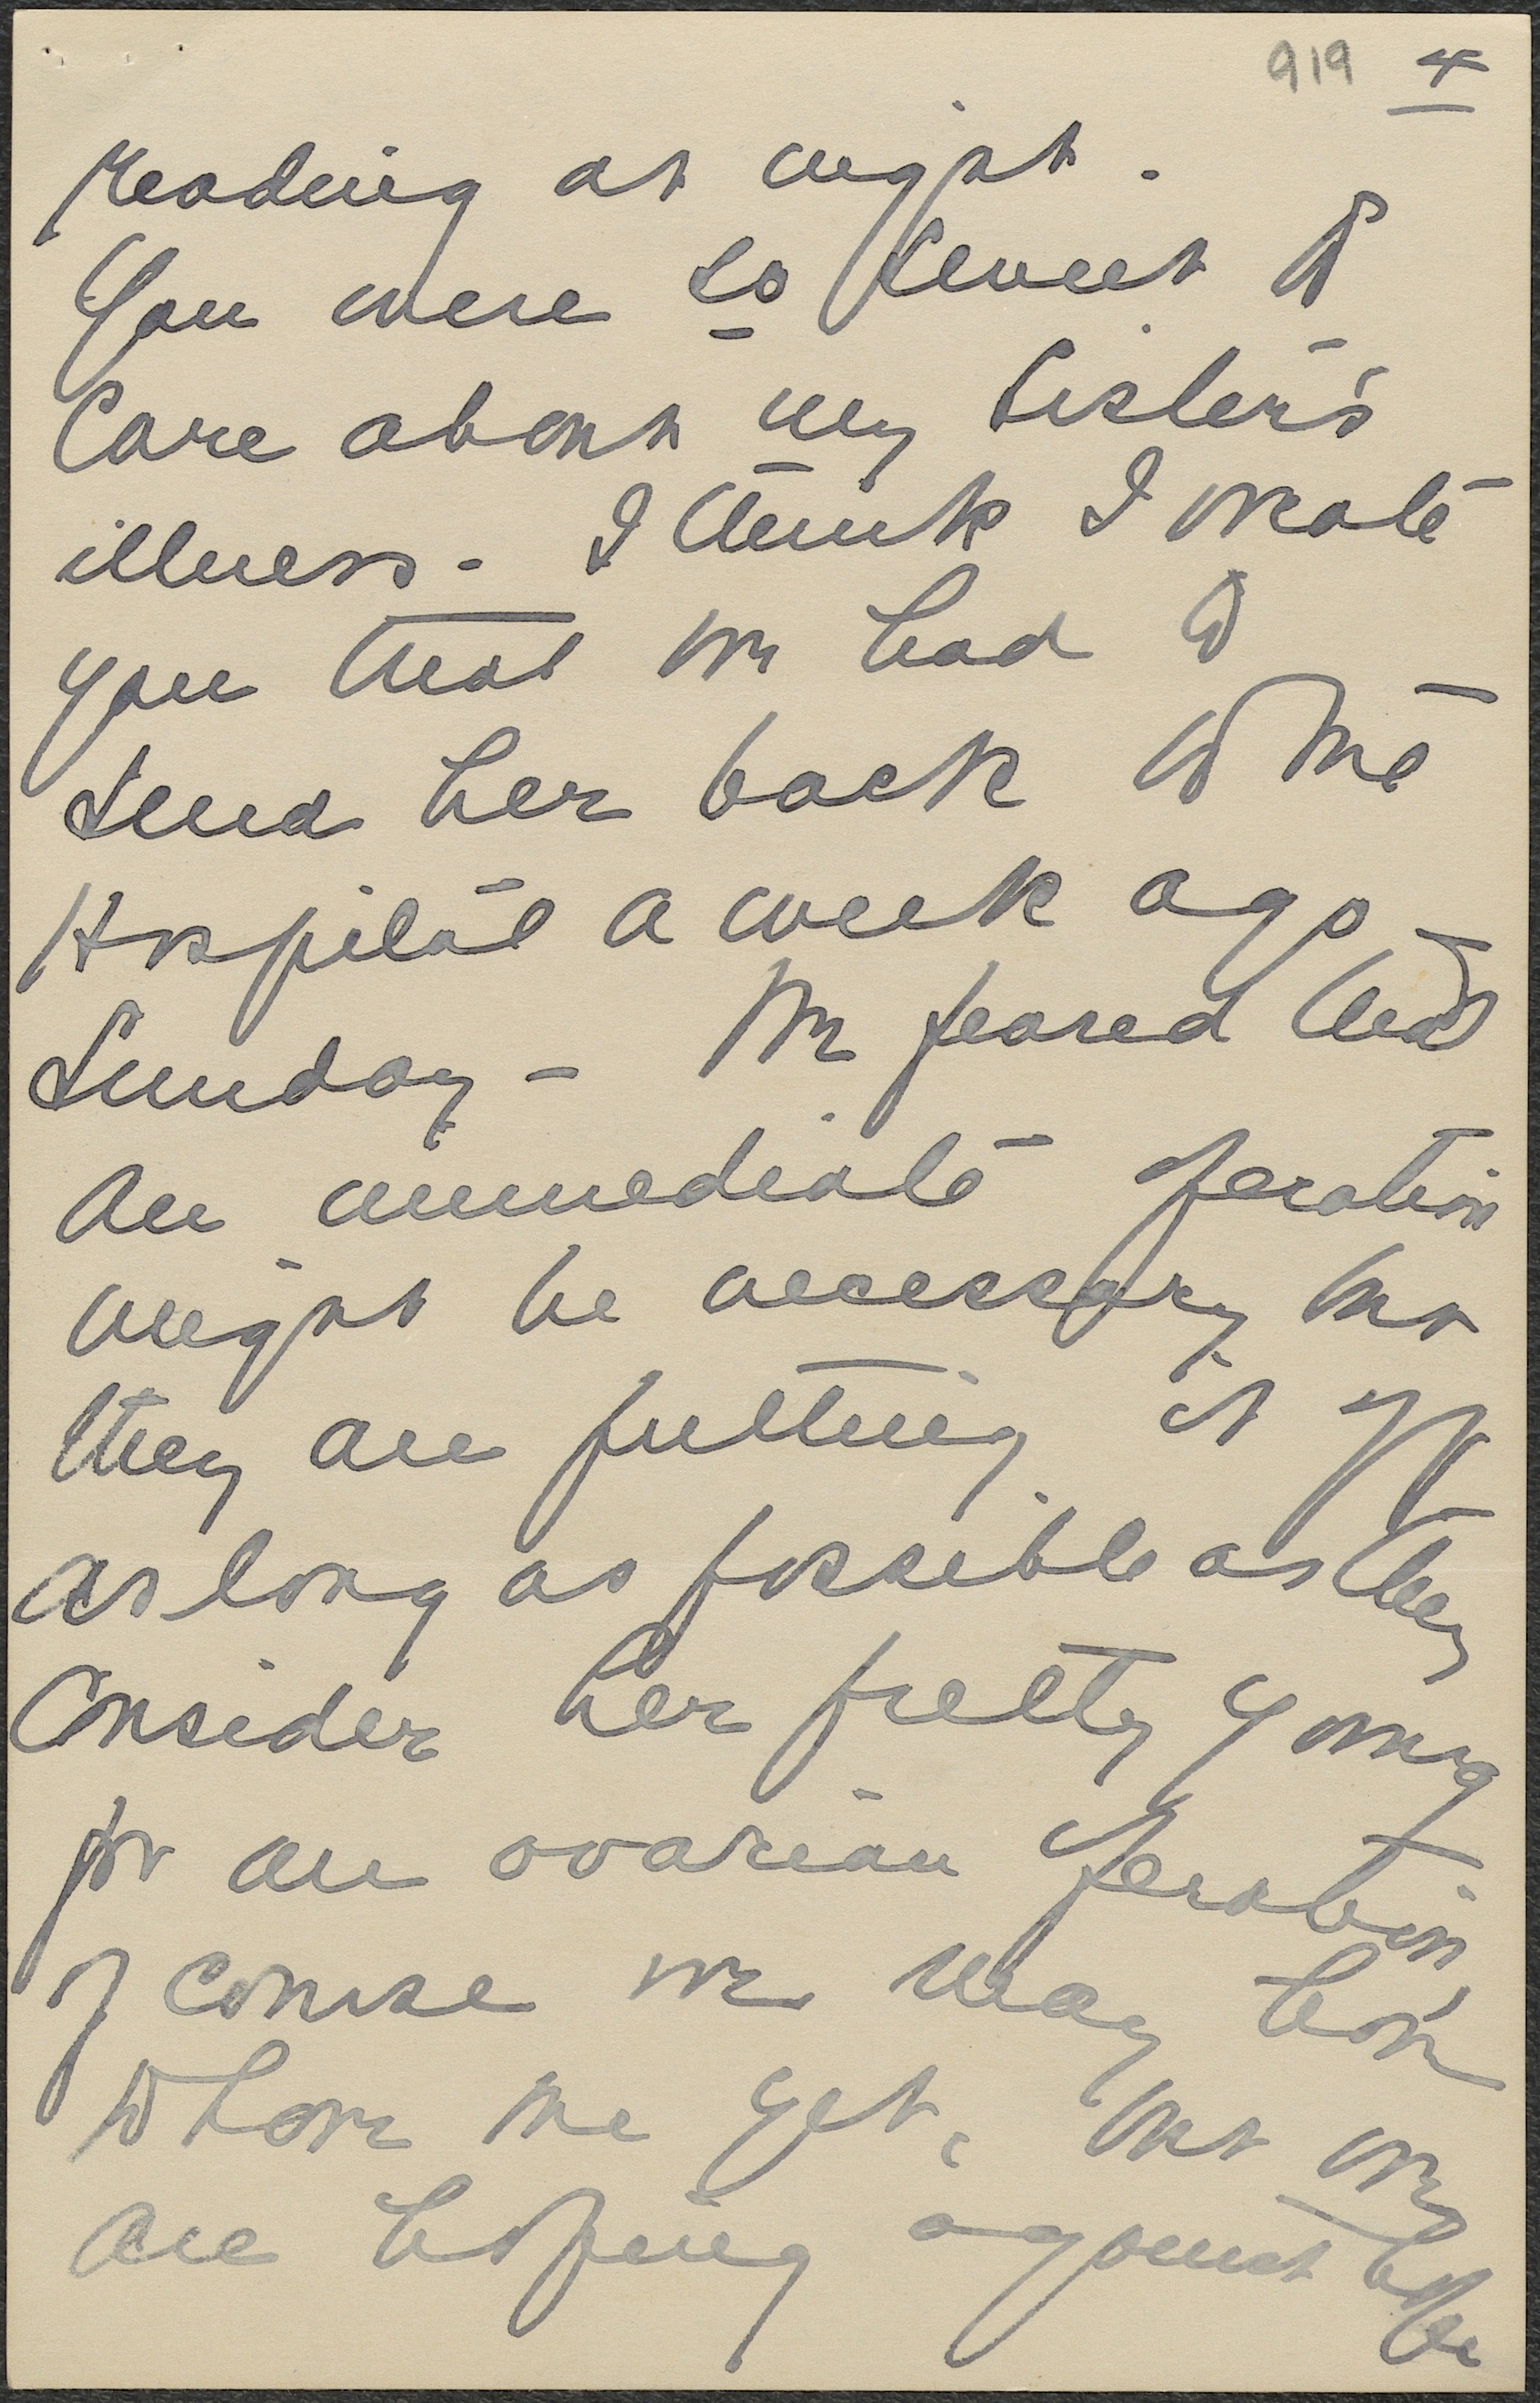4
reading at night.
You were so sweet to care about my sister’s illness – I think I wrote you that we had to send her back to the Hospital a week ago Sunday – We feared that an immediate operation might be necessary but they are putting it off as long as possible as they consider her pretty young for an ovarian operation, of course we may have to have one yet, but we are hoping against hope